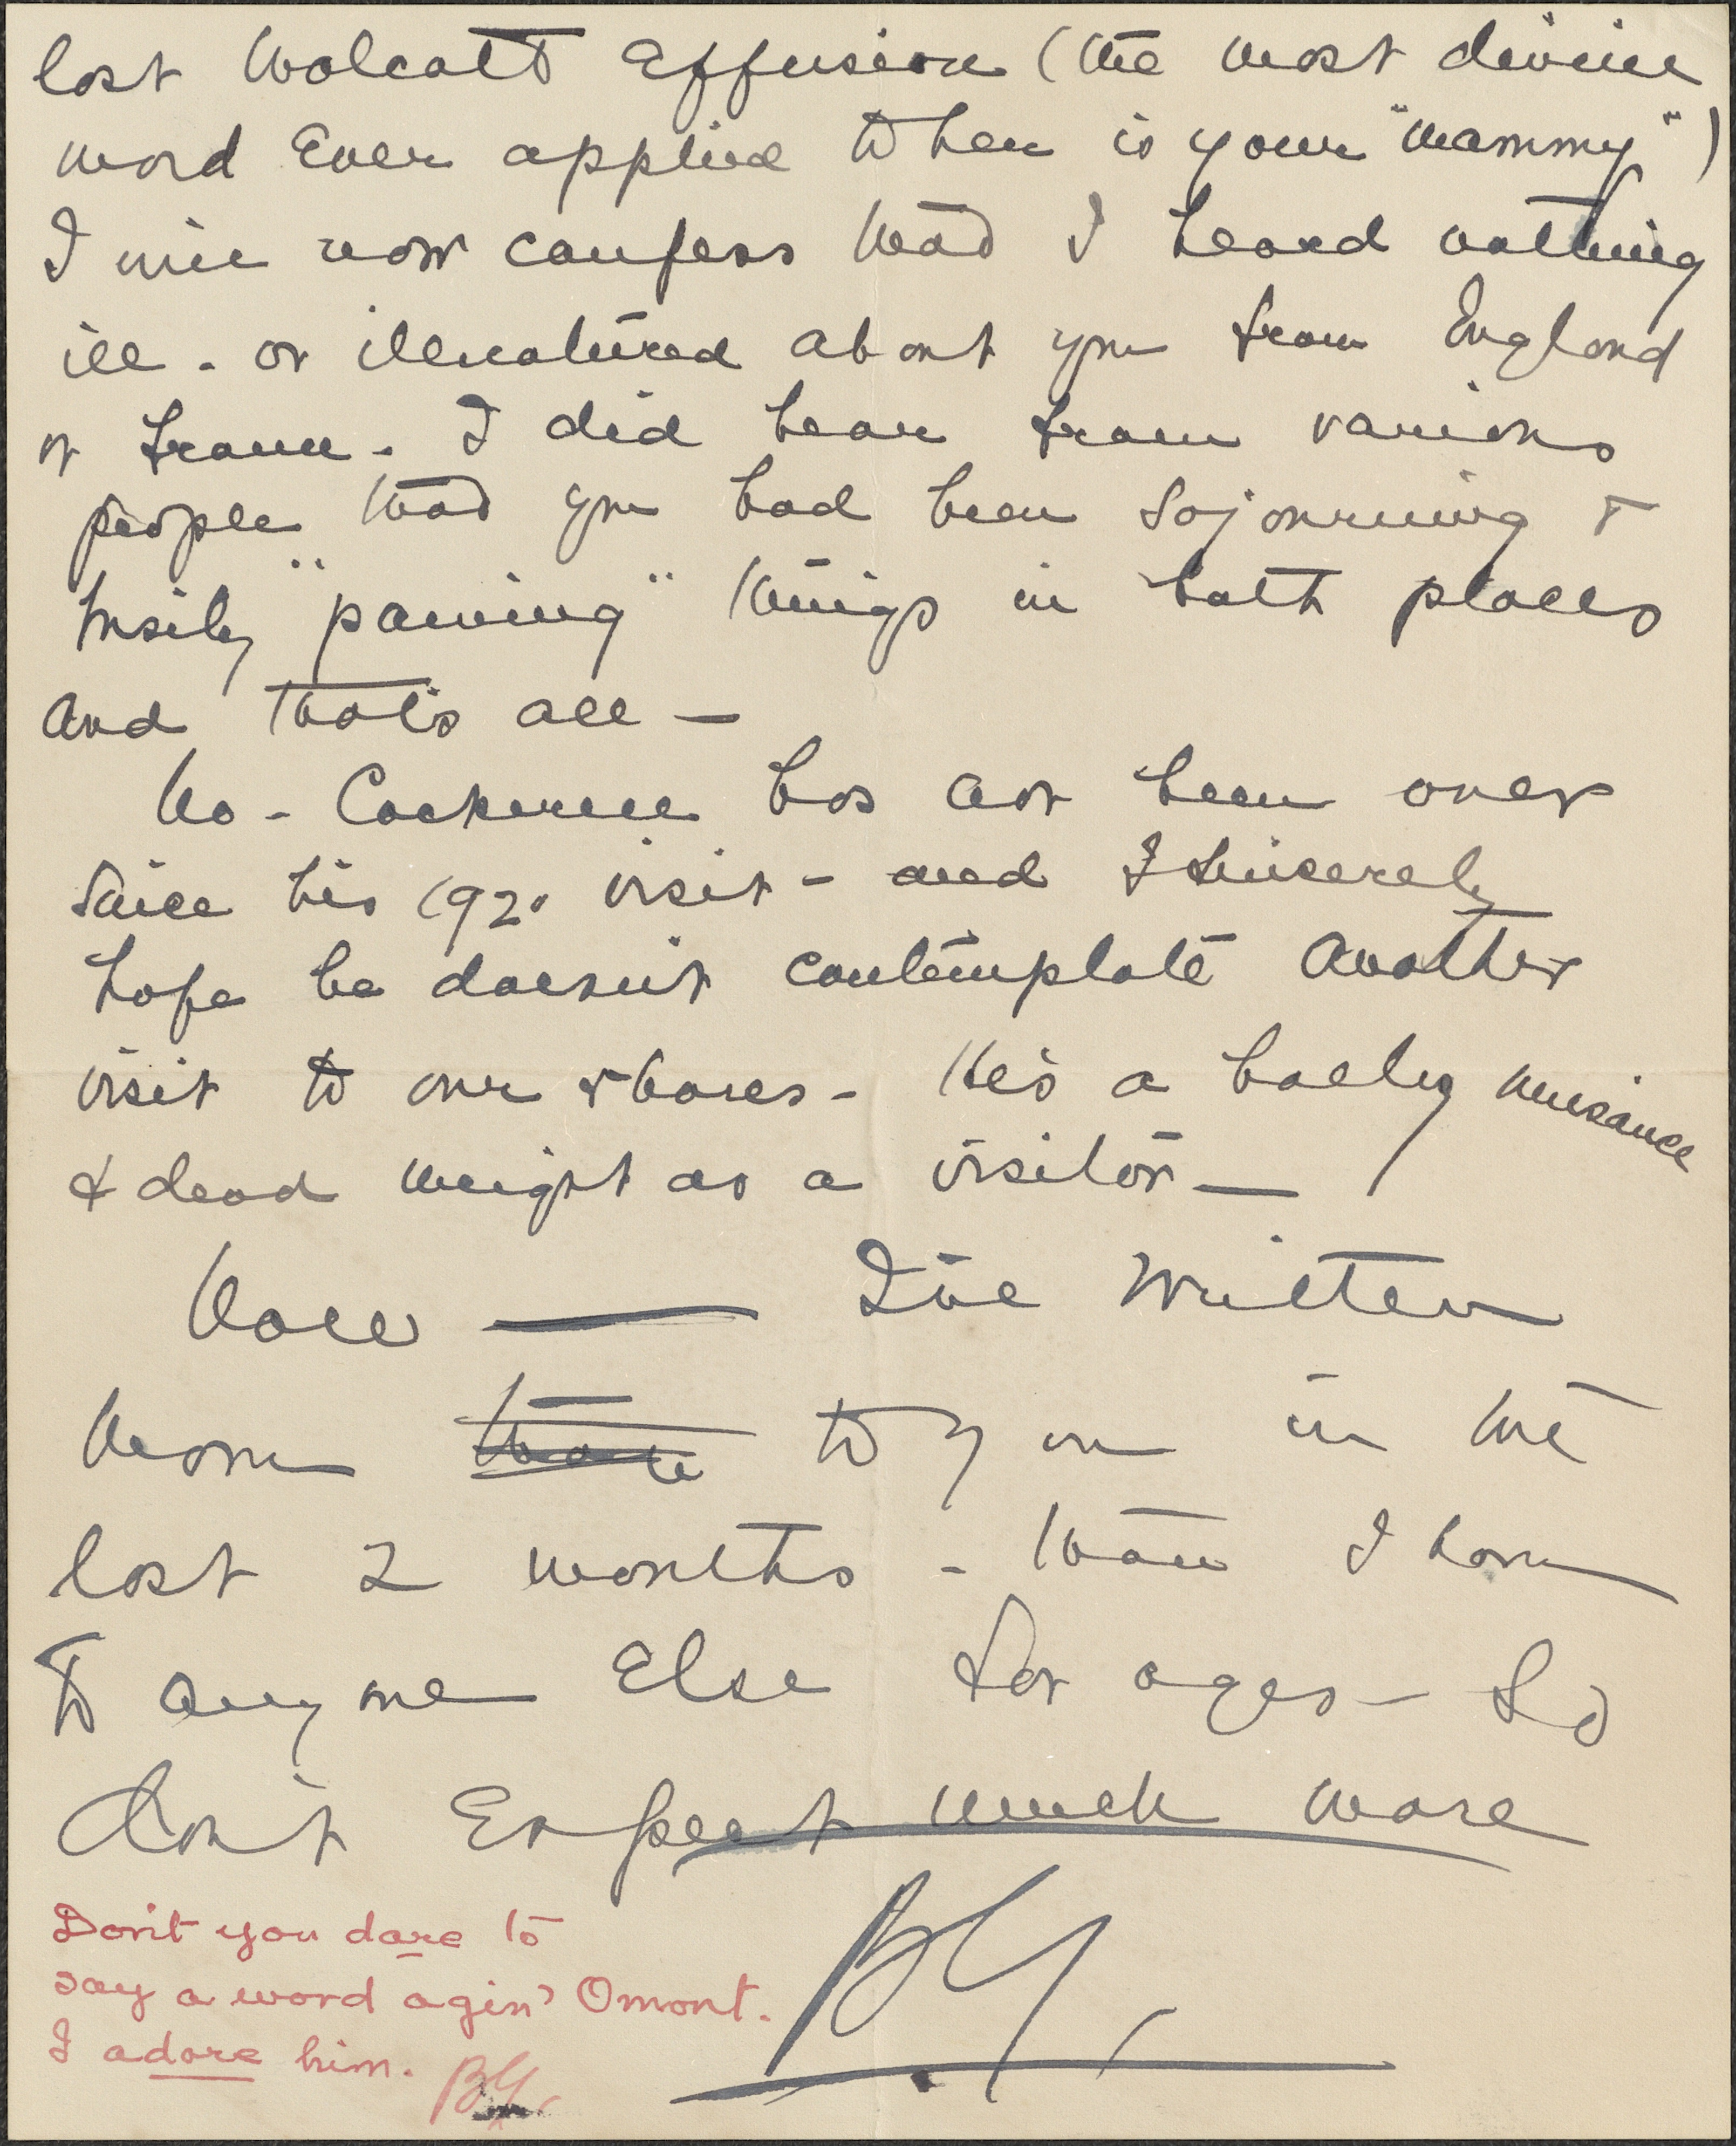last Wolcott effusion (the most divine word ever applied to her is your "mammy") I will not confess that I heard nothing ill or illnatured about you from England or France. I did hear from various people that you had been sojourning & busily "pawing" things in both places and that's all –
No – Cockerell has not been over since his 1920 visit – and I sincerely hope he doesn't contemplate another visit to our shores – He's a bally nuisance & dead weight as a visitor –
Now – I've written more [illegible deletion] to you in the last 2 months – than I have to any one else for ages – so don't expect much more
BG
[In smaller font and red ink to the left of the "BG": Don't you dare to say a word agin' Omont. I adore him. BG]
BG